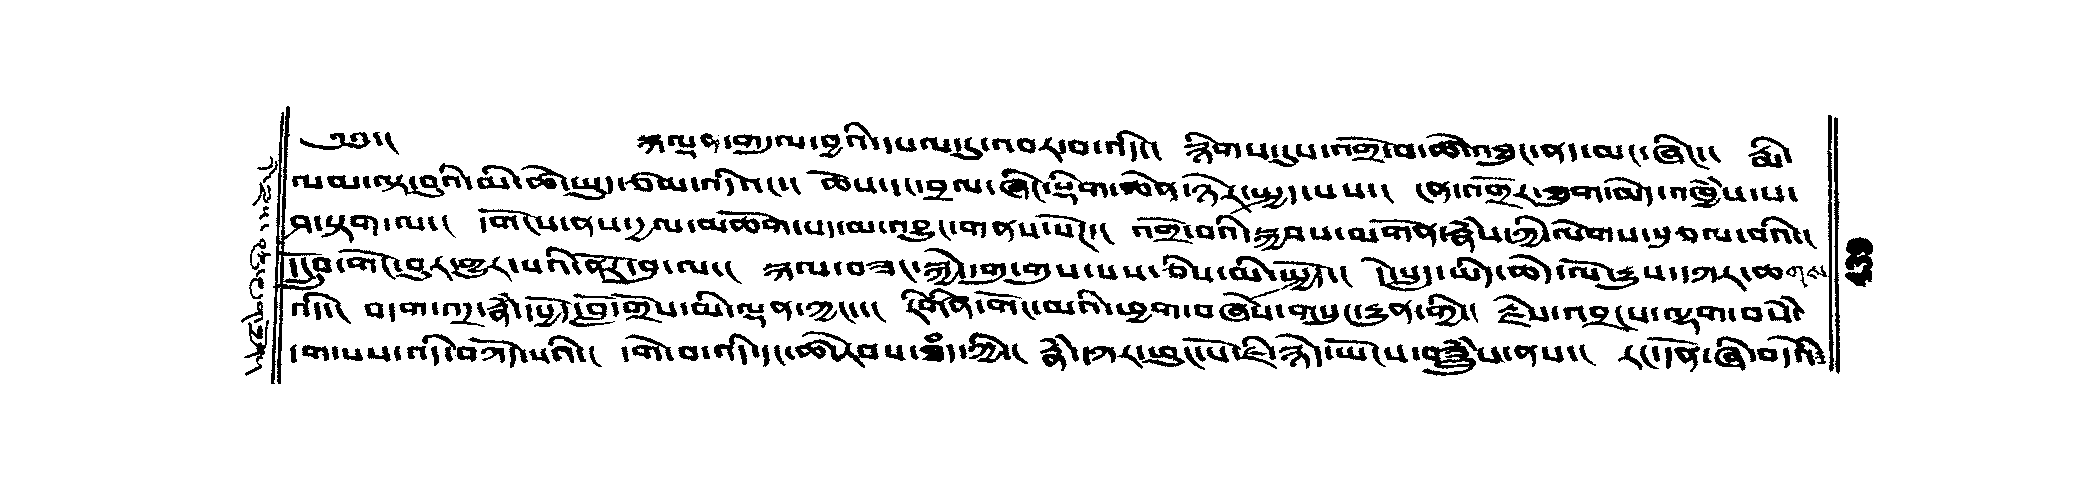སྐལ་ལྡན་གདུལ་བྱའི་དཔལ་དུ་འབར་བ་འདི། །སྙིགས་དུས་འགྲོ་བ་ཚེ་ཐུང་ནད་མང་ཞིང་། །རྨི་
ལམ་ལྟ་བུའི་མི་ཚེ་ཡུད་ཙམ་འདིའང་། །ཆོས་དང་བྲལ་ཞིང་སྡིག་ཆེན་ཉེར་སྤྱད་པས། །ངན་འགྲོ་ཐུག་མེད་འཁྱམས་པ་
ཤ་སྟག་ལ། །དགོངས་ནས་རྒྱལ་མཆོག་པདྨ་འབྱུང་གནས་སོགས། །འགྲོ་བའི་སྐྱབས་མགོན་རྣམས་ཀྱི་ལེགས་བསྩལ་བའི། །
དངོས་གྲུབ་གོང་བུར་གྱུར་བའི་ནོར་བུ་ལ། །སྐལ་བཟང་སྐྱེ་དགུ་གུས་པས་ཅིས་མི་སྤྱོད། །དེ་སླད་ཡིད་ཆེས་ལོ་རྒྱུས་དཀར་ཆག་
འདི། །བདག་འདྲ་རྣམ་དཔྱོད་བློ་གྲོས་མི་ལྡན་ཀྱང་། །རིག་འཛིན་གོང་མའི་ཕྱག་བཞེས་གསུང་རྒྱུན་གྱི། །རྗེས་འབྲང་ལྷག་བསམ་
དག་པས་འདི་བཀོད་པའི། །དགེ་བ་འདི་དང་ཚེ་རབས་ཐམས་ཅད་ཀྱི། །རྣམ་དཀར་ཕུང་པོ་ཇི་སྙེད་ཡོངས་བཟླུམས་ནས། །རང་དོན་ཞི་བདེའི་